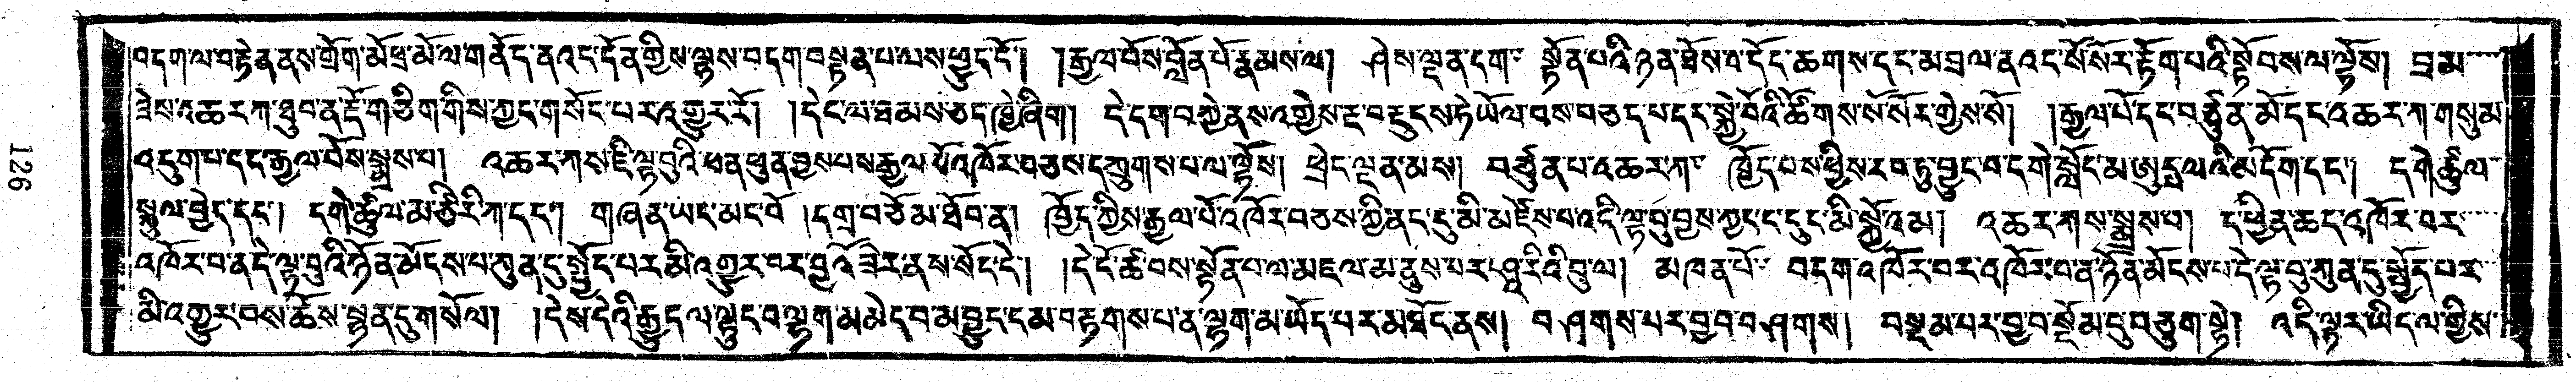བདག་ལ་བརྟེན་ནས་གྲོག་མོ་ཕྲ་མོ་ལ་གནོད་ནའང་དོན་གྱིས་ལྷས་བདག་བསྟན་པ་ལས་ཕྱུང་དོ། །རྒྱལ་པོས་བློན་པོ་རྣམས་ལ། ཤེས་ལྡན་དགཿ སྟོན་པའི་ཉན་ཐོས་བ་དོང་ཆགས་དང་མཐལ་ནའང་སོ་སོར་རྟོག་པའི་སྟོབས་ལ་ལྟོས་བྲམ་
ཟེས་འཆར་ཀ་ཐུབ་ན་རྡོ་གཅིག་གིས་ཀྱང་གསོང་བར་འགྱུར་རོ། །དེང་ལ་ཐམས་ཅད་ཁྱེ་ཞིག། དེ་དག་བཀྱེ་ནས་འགྱེས་རྔ་བདུངས་ཏེ་ཡོལ་བས་བཅད་པ་དར་སྐྱེ་བོའི་ཚོས་སོ་སོར་གྱིས་སོ། །རྒྱལ་པོ་དང་བཙུན་མོ་དང་འཆར་ཀ་གསུམ་
འདུག་པ་དང་རྒྱལ་པོས་སྨྲས་པ། འཆར་ཀས་ཇི་ལྟ་བུའི་ཕན་ཕུན་བྱས་པས་རྒྱལ་པོ་འཁོར་བཅས་དཀྲུགས་པ་ལ་ལྟོས། ཕྲེང་ལྡན་མས། བཙུན་པ་འཆར་ཀ། ཁྱོད་པས་ཕྱིས་རབ་ཏུ་བྱུང་བ་དགེ་སློང་མ་ཨུདཔལཱི་མདོག་དང་། དགེ་ཚུལ་
སྐུལ་བྱེད་དང་། དགེ་ཚུལ་མ་ཙི་རི་ཀ་དང་། གཞན་ཡང་མང་བོ་།དགྲ་བཅོམ་ཐོབ་ན། ཁྱོད་ཀྱིས་རྒྱལ་པོ་འཁོར་བཅས་ཀྱི་ནང་དུ་མི་མཛེས་པ་འདི་ལྟ་བུ་བྱས་ཀྱང་ང་དུང་མི་སྐྱོ་འམ། འཆར་ཀས་སྨྲས་པ། ད་ཕྱིན་ཆད་འཁོར་བར་
འཁོར་བ་ན་དེ་ལྟ་བུའི་ཉོན་མོངས་པ་ཀུན་དུ་སྤྱོད་པར་མི་འགྱུར་བར་བྱའོ་ཟེར་ནས་སོང་དེ། །དེ་ངོ་ཚ་བས་སྟོན་པ་ལ་མཇལ་མ་ནུས་པར་ཤཱ་རིའི་བུ་ལ། མཁན་པོཿ བདག་འཁོར་བར་འཁོར་བ་ན་ཉོན་མོངས་པ་དེ་ལྟ་བུ་ཀུན་ཏུ་སྤྱོད་པར་
མི་འགྱུར་བས་ཆོས་སྟན་དུ་གསོལ། །དེས་དེའི་རྒྱུད་ལ་ལྟུང་བ་ལྷག་མ་མེད་བ་མ་བྱུང་ངམ་བརྟགས་པ་ན་ལྷག་མ་ཡོད་པར་མཐོང་ནས། བཤགས་པར་བྱ་བ་བཤགས། བསྡམ་པར་བྱ་བ་སྡོམ་དུ་བཅུག་སྟེ། འདི་ལྟར་ཡིད་ལ་གྱིས་